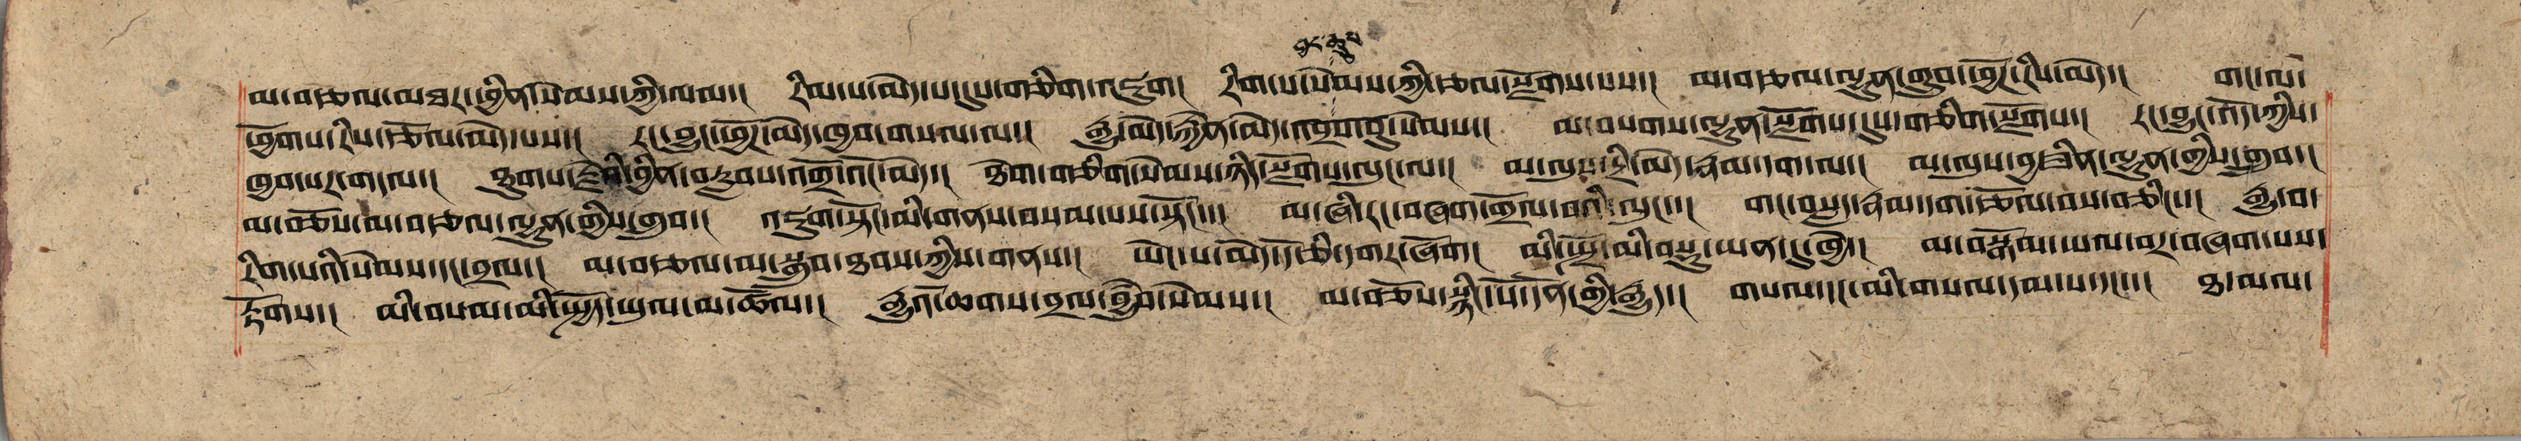མ་བརྩལ་མཐར་ཕྱིན་སེམས་ཀྱི་ལམ་། རིམ་པ་མེད་པ་དུས་གཅིག་འཇུག། རིག་པ་སེམས་ཀྱི་རྩལ་རྫོགས་པས་། མ་བརྩལ་ལྷུན་གྲུབ་ཕྱོཌ་རིས་མེད་། གང་ལ་
ཕྱོགས་རིས་རྩོལ་མེད་པས་། རང་བྱུང་ཕྱོཌ་མེད་ཁྱབ་གསལ་ལ་། རྒྱུ་མེད་རྐྱེན་མེད་འབྲས་བུ་སེམས་། མ་བསགས་ལྷུན་སྫོགས་དུས་གཅིག་སྫོགས་། རང་བྱུང་འོད་ཀྱིས་
ཁྱབ་པར་གདལ་། ཐུགས་རྗེའི་བྱིན་བརླབས་འགྲོ་འོང་མེད་། ཐེག་གཅིག་སེམས་ཉིད་སྫོགས་ལུང་ལ་། མ་ལུས་དྲི་མེད་རྣམ་དག་ལ་། མ་ལུས་བྱ་ཟིན་ལྷུན་གྱིས་གྲུབ་།
མ་བཅོས་མ་བརྩལ་ལྷུན་གྱིས་གྲུབ་། འཇུག་སྟོང་མི་གནས་བསམ་པས་སྟོང་་། མ་གཞི་རང་བཞག་གྲོལ་བའི་ལུང་་། གང་བསླད་རྣམ་དག་རྩོལ་བས་བཅིངས་། རྒྱུ་བ་
རིག་པའི་སེམས་དང་བྲལ་། མ་བརྩལ་མ་སྒྲུབ་ཐབས་ཀྱིས་གནས་། ཡེང་ས་མེད་དོ་ཅི་དགར་ཞོག། མི་སྤྲོ་མི་བསྡུ་ཡན་དུ་ཁྱེ་། མ་བསྒོམ་དཔལ་བར་བཞག་པས་
རྟོགས་། མི་བསམ་མི་སྤྱོད་ཡུལ་མ་ཚོལ་། རྒྱུའོ་ཆགས་བྲལ་བྱུཾབ་སེམས་། མ་བཅོས་སྙིང་པོ་དོན་གྱི་རྒྱུད་། གསལ་དང་མི་གསལ་དམ་པ་དང་་། ཐ་མལ་